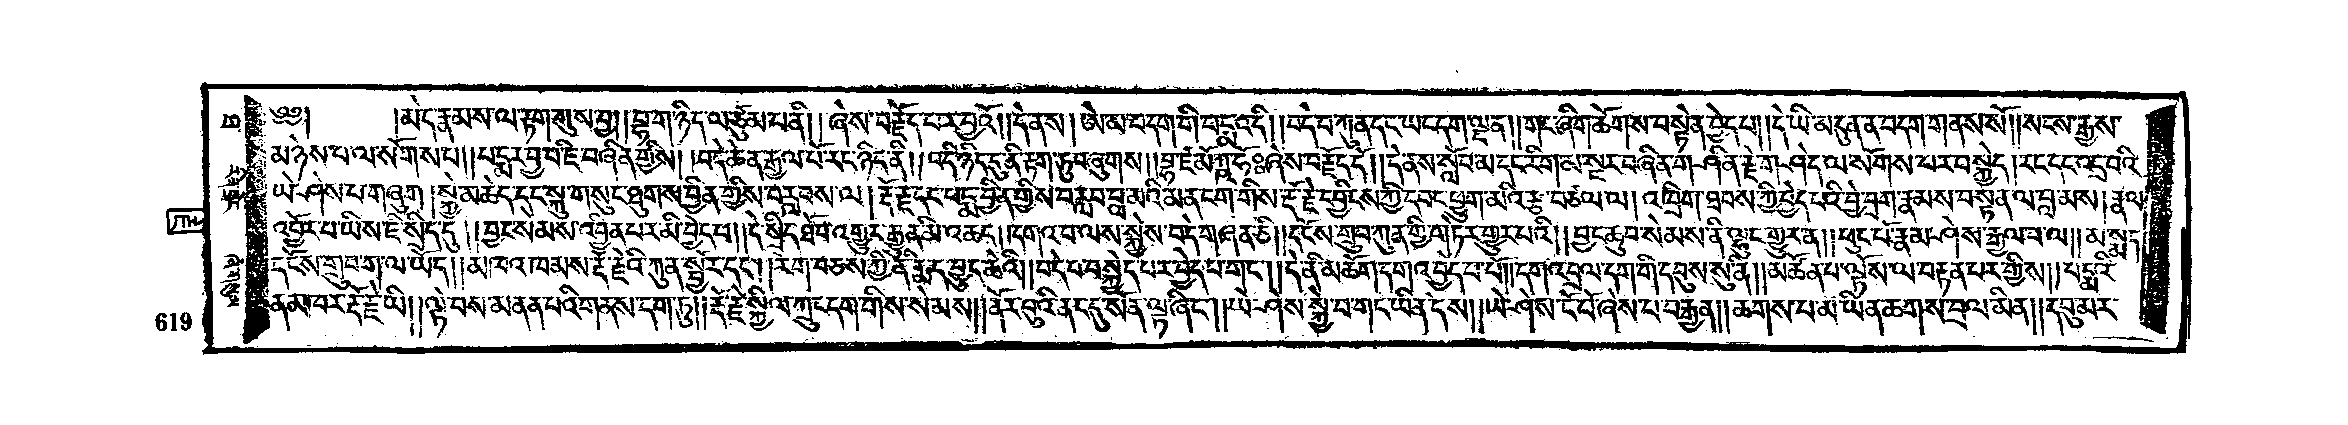༄༅། །མེད་རྣམས་ལ་རྟག་གུས་བྱ། །བྷ་ག་ཉིད་ལ་ཙུམ་པ་ནི། །ཞེས་བརྗོད་པར་བྱའོ། །དེ་ནས། ཨེ་མ་བདག་གི་པདམ་འདི། །བདེ་བ་ཀུན་དང་ཡང་དག་ལྡན། །གང་ཞིག་ཆོགས་བསྟེན་བྱེད་པ། །དེ་ཡི་མདུན་ན་བདག་གནས་སོ། །སངས་རྒྱས་
མཉེས་པ་ལ་སོགས་པ། །པདམར་བྱ་བ་ཇི་བཞིན་གྱིས། །བདེ་ཆེན་རྒྱལ་པོ་རང་ཉིད་ནི། །འདི་ཉིད་དུ་ནི་རྟག་ཏུ་བཞུགས། །བྷ་ད་པ། །དེ་ཡི་མདུན་ན་བདག་གནས་སོ། །སངས་རྒྱས་མཉེས་པ་ལ་བཞིན་གཤིན་རྗེ་གཤེད་ལ་སོགས་པར་བསྐྱེད། རང་དང་འདྲ་བའི་
ཡེ་ཤེས་པ་གཞུག །སྐྱེ་མཆེད་དང་སྐུ་གསུང་ཐུགས་བྱིན་གྱིས་བརླབས་ལ། རྡོ་རྗེ་དང་པདམ་བྱིན་གྱིས་བརླབ་བླ་མའི་མན་ངག་གིས་རྡོ་རྗེ་དབྱིངས་ཀྱི་དབང་ཕྱུག་མའི་རྩ་བཙལ་ལ། འཁྲིག་ཐབས་ཀྱི་བྱེད་པའི་བྱེ་བྲག་རྣམས་བསྟན་ལ་བླ་མས། རྣལ་
འབྱོར་པ་ཡིས་ཇི་སྲིད་དུ། །བྱང་སེམས་འབྱིན་པར་མི་བྱེད་པ། །དེ་སྲིད་ཐོབ་འགྱུར་རྒྱུན་མི་འཆད། །དགའ་བ་ལས་སྐྱེས་བདེ་གཞན་ཅི། །དངོས་གྲུབ་ཀུན་གྱི་གཏེར་གྱུར་པའི། །བྱང་ཆུབ་སེམས་ནི་ལྷུང་གྱུར་ན། །ཕུང་པོ་རྣམ་ཤེས་རྒྱལ་བ་ལ། །མ་སྨད་
དངོས་གྲུབ་ག་ལ་ཡོད། །མཁའ་ཁམས་རྡོ་རྗེའི་ཀུན་སྦྱོར་དང་། །རེག་བཅས་ཀྱི་ནི་རྨད་བྱུང་ཆེའི། །བདེ་བ་བསྐྱེད་པར་བྱེད་པ་གང་། །དེ་ནི་མཆོག་དགའ་བྱེད་པ་པོ། །དགའ་བྲལ་དག་གི་དབུས་སུ་ནི། །མཚོན་པ་ལྟོས་ལ་བརྟན་པར་གྱིས། །པདམའི་
ནམ་མཁར་རྡོ་རྗེ་ཡི། །ལྟེ་བས་མནན་པའི་གནས་དག་ཏུ། །རྡོ་རྗེ་སྐྱིལ་ཀྲུང་དག་གིས་སེམས། །ནོར་བུའི་ནང་དུ་སོན་ལྟ་ཞིང་། །ཡེ་ཤེས་སྐྱེ་བ་གང་ཡིན་དེས། །ཡེ་ཤེས་ངོ་བོ་ཞེས་པ་བརྒྱན། །ཆགས་པ་མ་ཡིན་ཆགས་བྲལ་མིན། །དབུ་མར་